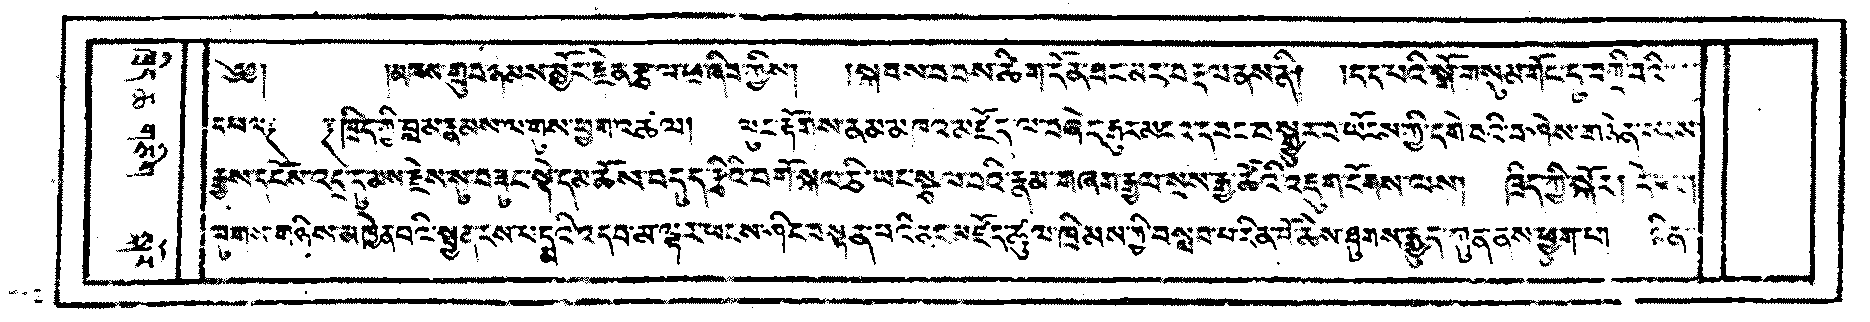༄༅། །མཁས་གྲུབ་ཉམས་མྱོང་རྗེན་རྩལ་ཕྲ་ཞིབ་ཀྱིས། །སྐབས་བབས་ཚིག་དོན་ཐང་མར་བརྡལ་ནས་ནི། །དད་པའི་སྒོ་གསུམ་གོང་དུ་བཀྲི་བའི་
དཔལ༑ ༑ཁྲིད་ཀྱི་བླ་མ་རྣམས་ལ་གུས་ཕྱག་འཚལ། ལུང་རྟོགས་ནམ་མཁའ་མཛོད་ལ་བཞེད་རྒུར་མངའ་དབང་བསྒྱུར་བ་ཡོངས་ཀྱི་དགེ་བའི་བཤེས་གཉེན་སངས་
རྒྱས་དངོས་འདྲ་དུ་མས་རྗེས་སུ་བཟུང་སྟེ་དམ་ཆོས་བདུད་རྩིའི་བགོ་སྐལ་ཅི་ཡང་སྩལ་བའི་རྣམ་གཞག་རྒྱལ་སྲས་རྒྱ་ཚོའི་འཇུག་ངོགས་ལས། ཁྲིད་ཀྱི་སྐོར། དེ་ཡང་།
ལུགས་གཉིས་མཁྱེན་པའི་སྤྱན་རས་པདམའི་འདབ་མ་ལྟར་ཡངས་ཤིང་བསྟན་པའི་ནང་མཛོད་ཚུལ་ཁྲིམས་ཀྱི་བསླབ་པ་རིན་པོ་ཆེས་ཐུགས་རྒྱུད་ཀུན་ནས་ཕྱུག་པ། ཉིན་